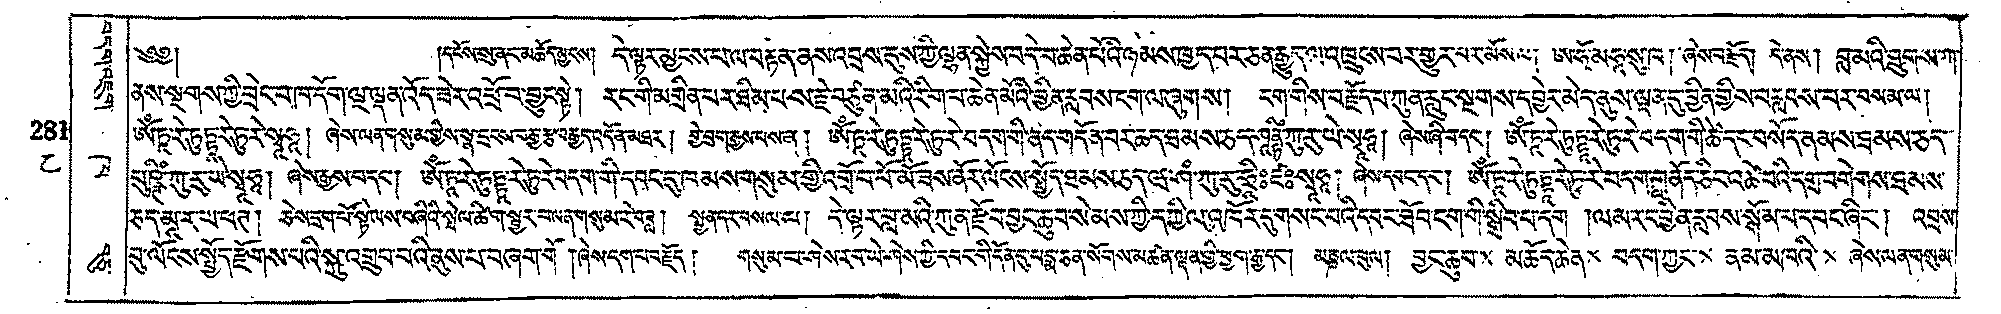༄༅། །དངོས་སུ་ནང་མཆོད་མྱངས།  དེ་ལྟར་མྱངས་པ་ལ་བརྟེན་ནས་འབྲས་དུས་ཀྱི་ལྷན་སྐྱེས་བདེ་བ་ཆེན་པོའི་ཉམས་ཁྱད་པར་ཅན་རྒྱུད་ལ་འཁྲུངས་པར་གྱུར་པར་མོས་ལ། ཨ་ཧོ་མཧཱ་སུ་ཁ། ཞེས་བརྗོད། དེ་ནས། བླ་མའི་ཐུགས་ཀ་
ནས་སྔགས་ཀྱི་ཕྲེང་བ་ཁ་དོག་ལྔ་ལྡན་འོད་ཟེར་འཕྲོ་བ་བྱུང་སྟེ། རང་གི་མགྲིན་པར་ཐིམ་པས་རྗེ་བཙུན་མའི་རིག་པ་ཆེན་མོའི་བྱིན་རླབས་ངག་ལ་ཞུགས། ངག་གིས་བརྗོད་པ་ཀུན་རླུང་སྔས་དབྱེར་མེད་ནུས་ལྡན་དུ་བྱིན་གྱིས་བརླབས་པར་བསམ་ལ།
ཨོཾ་ཏཱ་རེ་ཏུཏྟཱ་རེ་ཏུ་རེ་སྭཱཧཱ། ཞེས་ལན་གསུམ་གྱིས་སྣ་དྲངས་བརྒྱ་རྩ་བརྒྱད་འདོན་མཐར། བྱེ་བྲག་རྒྱས་པས་ན།  ཨོཾ་ཏཱ་རེ་ཏུཏྟཱ་རེ་ཏུ་རེ་བདག་གི་ནད་གདོན་བར་ཆད་ཐམས་ཅད་ཤཱནྟིཾ་ཀུ་རུ་ཡེ་སྭཱཧཱ། ཞེས་ཞི་བ་དང་། ཨོཾ་ཏཱ་རེ་ཏུཏྟཱ་རེ་ཏུ་རེ་བདག་གི་ཚེ་དང་བསོད་ནམས་ཐམས་ཅད་་་
པུཥྚིཾ་ཀུ་རུ་ཡེ་སྭཱཧཱ། ཞེས་རྒྱས་པ་དང་། ཨོཾ་ཏཱ་རེ་ཏུཏྟཱ་རེ་ཏུ་རེ་བདག་གི་དབང་དུ་ཁམས་གསུམ་གྱི་འགྲོ་བ་ཕོ་མོ་ཟས་ནོར་ལོངས་སྤྱོད་ཐམས་ཅད་ཝ་ཤཾ་ཀུ་རུ་ཧྲཱིཿཛཿསྭཱཧཱ། ཞེས་དབང་དང་། ཨོཾ་ཏཱ་རེ་ཏུཏྟཱ་རེ་ཏུ་རེ་བདག་ལ་གནོད་ཅིང་འཚེ་བའི་དགྲ་བགེགས་ཐམས་
ཅད་མཱ་ར་ཡ་ཕཊ། ཅེས་དྲག་པོ་སྟེ་ལས་བཞིའི་སྤེལ་ཚིག་སྦྱར་བ་ལན་གསུམ་རེ་བཟླ། སྤྱན་དར་བསལ་ལ།  དེ་ལྟར་བླ་མའི་ཀུན་རྫོབ་བྱང་ཆུབ་སེམས་ཀྱི་དཀྱིལ་འཁོར་དུ་གསང་བའི་དབང་ཐོབ་ངག་གི་སྒྲིབ་པ་དག །ལམ་རང་བྱིན་རླབས་སྒོམ་པ་དབང་ཞིང་། འབྲས་
བུ་ལོངས་སྤྱོད་རྫོགས་པའི་སྐུ་འགྲུབ་པའི་ནུས་པ་བཞག་གོ་།ཞེས་དག་པ་བརྗོད། གསུམ་པ་ཤེས་རབ་ཡེ་ཤེས་ཀྱི་དབང་གི་དོན་དུ་པདམ་ཅན་སོགས་མཚན་ལྡན་གྱི་ཕྱག་རྒྱ་དང་། མཎྜལ་ཕུལ།  བྱང་ཆུབ་྾་མཆོད་ཆེན་྾་བདག་ཀྱང་྾་ནམ་མཁའི་྾་ཞེས་ལན་གསུམ་